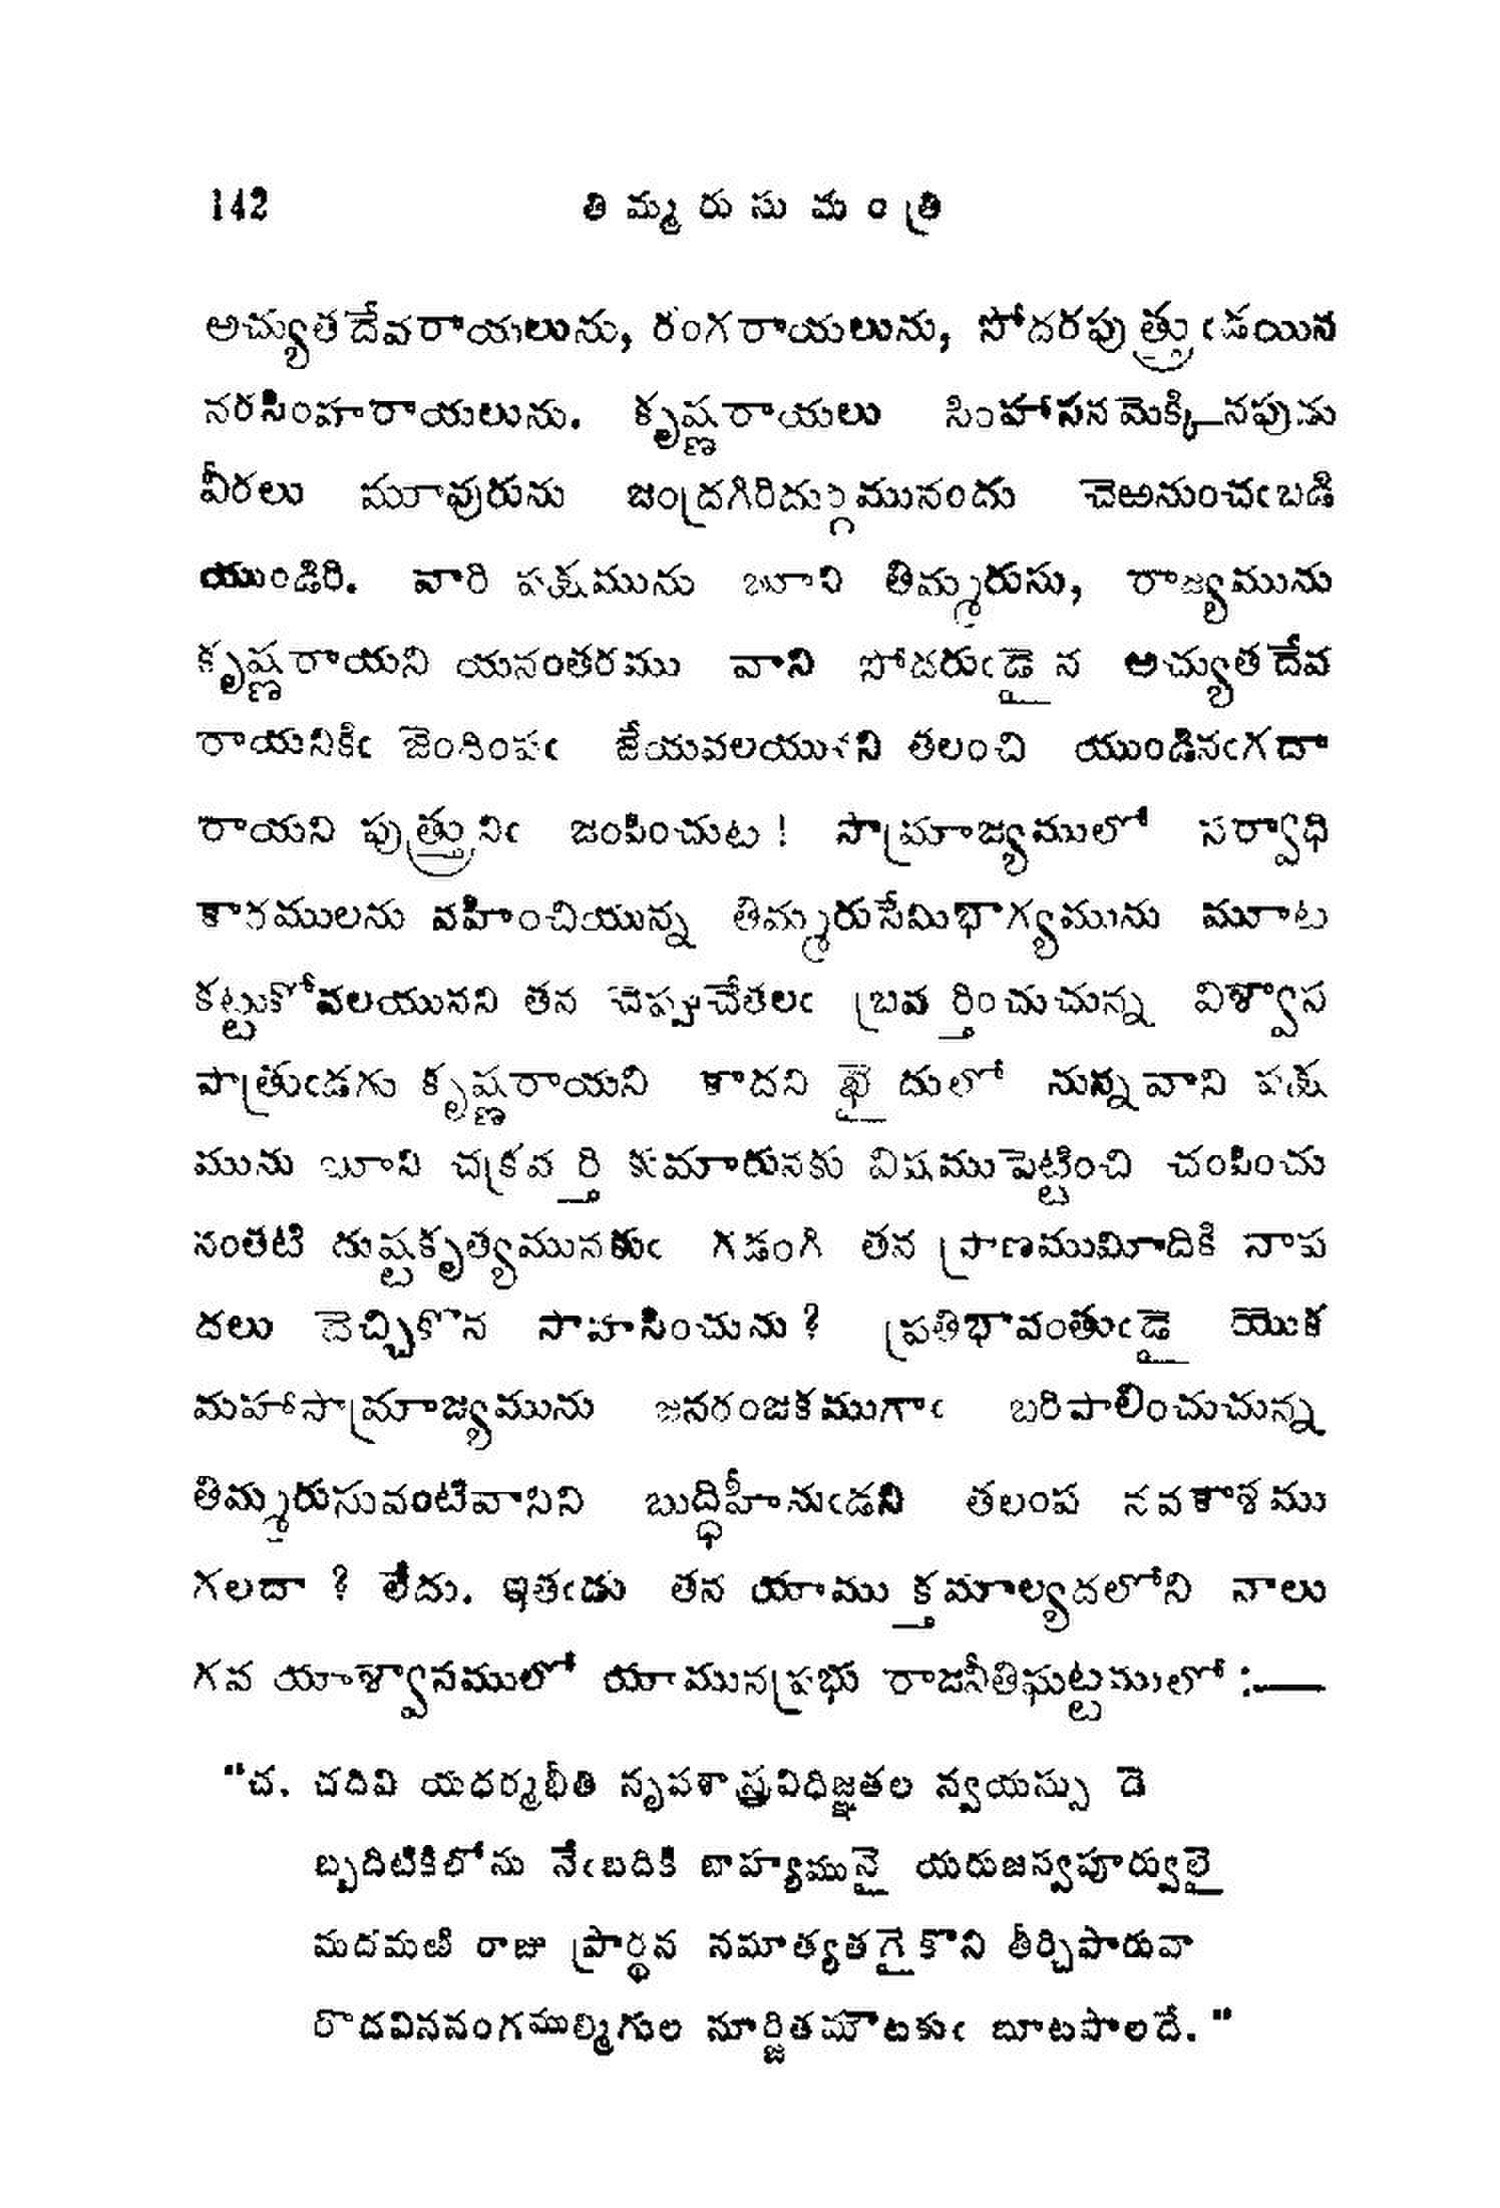అచ్యుతదేవరాయలును, రంగరాయలును, సోదరపుత్త్రుఁడయిన నరసింహరాయలును. కృష్ణరాయలు సింహాసనమెక్కినప్పుడు వీరలు మూవురును జంద్రగిరిదుర్గమునందు చెఱనుంచఁబడి యుండిరి. వారి పక్షమును బూని తిమ్మరుసు, రాజ్యమును కృష్ణరాయని యనంతరము వాని సోదరుడైన అచ్యుతదేవరాయనికిఁ జెందింపఁ జేయవలయుని తలంచి యుండినఁగదా రాయని పుత్త్రునిఁ జంపించుట ! సామ్రాజ్యములో సర్వాధికారములను వహించియున్న తిమ్మరుసేమి భాగ్యమును మూటకట్టుకోవలయునని తన చెప్పుచేతలఁ బ్రవర్తించుచున్న విశ్వాసపాత్రుఁడగు కృష్ణరాయని కాదని ఖైదులో నున్నవాని పక్షమును బూని చక్రవర్తి కమారునకు విషముపెట్టించి చంపించునంతటి దుష్టకృత్యమునకుఁ గడంగి తన ప్రాణముమీదికీ నాపదలు దెచ్చికొన సాహసించును? ప్రతిభావంతుఁడై యొక మహాసామ్రాజ్యమును జనరంజకముగాఁ బరిపాలించుచున్న తిమ్మరుసువంటివానిని బుద్దిహీనుఁడని తలంప నవకాశము గలదా ? లేదు. ఇతఁడు తన యాముక్తమాల్యదలోని నాలుగవ యాశ్వానములో యామునప్రభు రాజనీతిఘట్టములో :-

"చ. చదివి యధర్మభీతి నృపశాస్త్రవిధిజ్ఞతల న్వయస్సు డె
 బ్బదిటికిలోను నేఁబదికి బాహ్యమునై యరుజస్వపూర్వులై 
 మదమఱి రాజు ప్రార్ధన నమాత్యతగైకొని తీర్చిపారువా 
 రొదవిననంగముల్మిగుల నూర్జితమౌటకుఁ బూటపాలదే. "